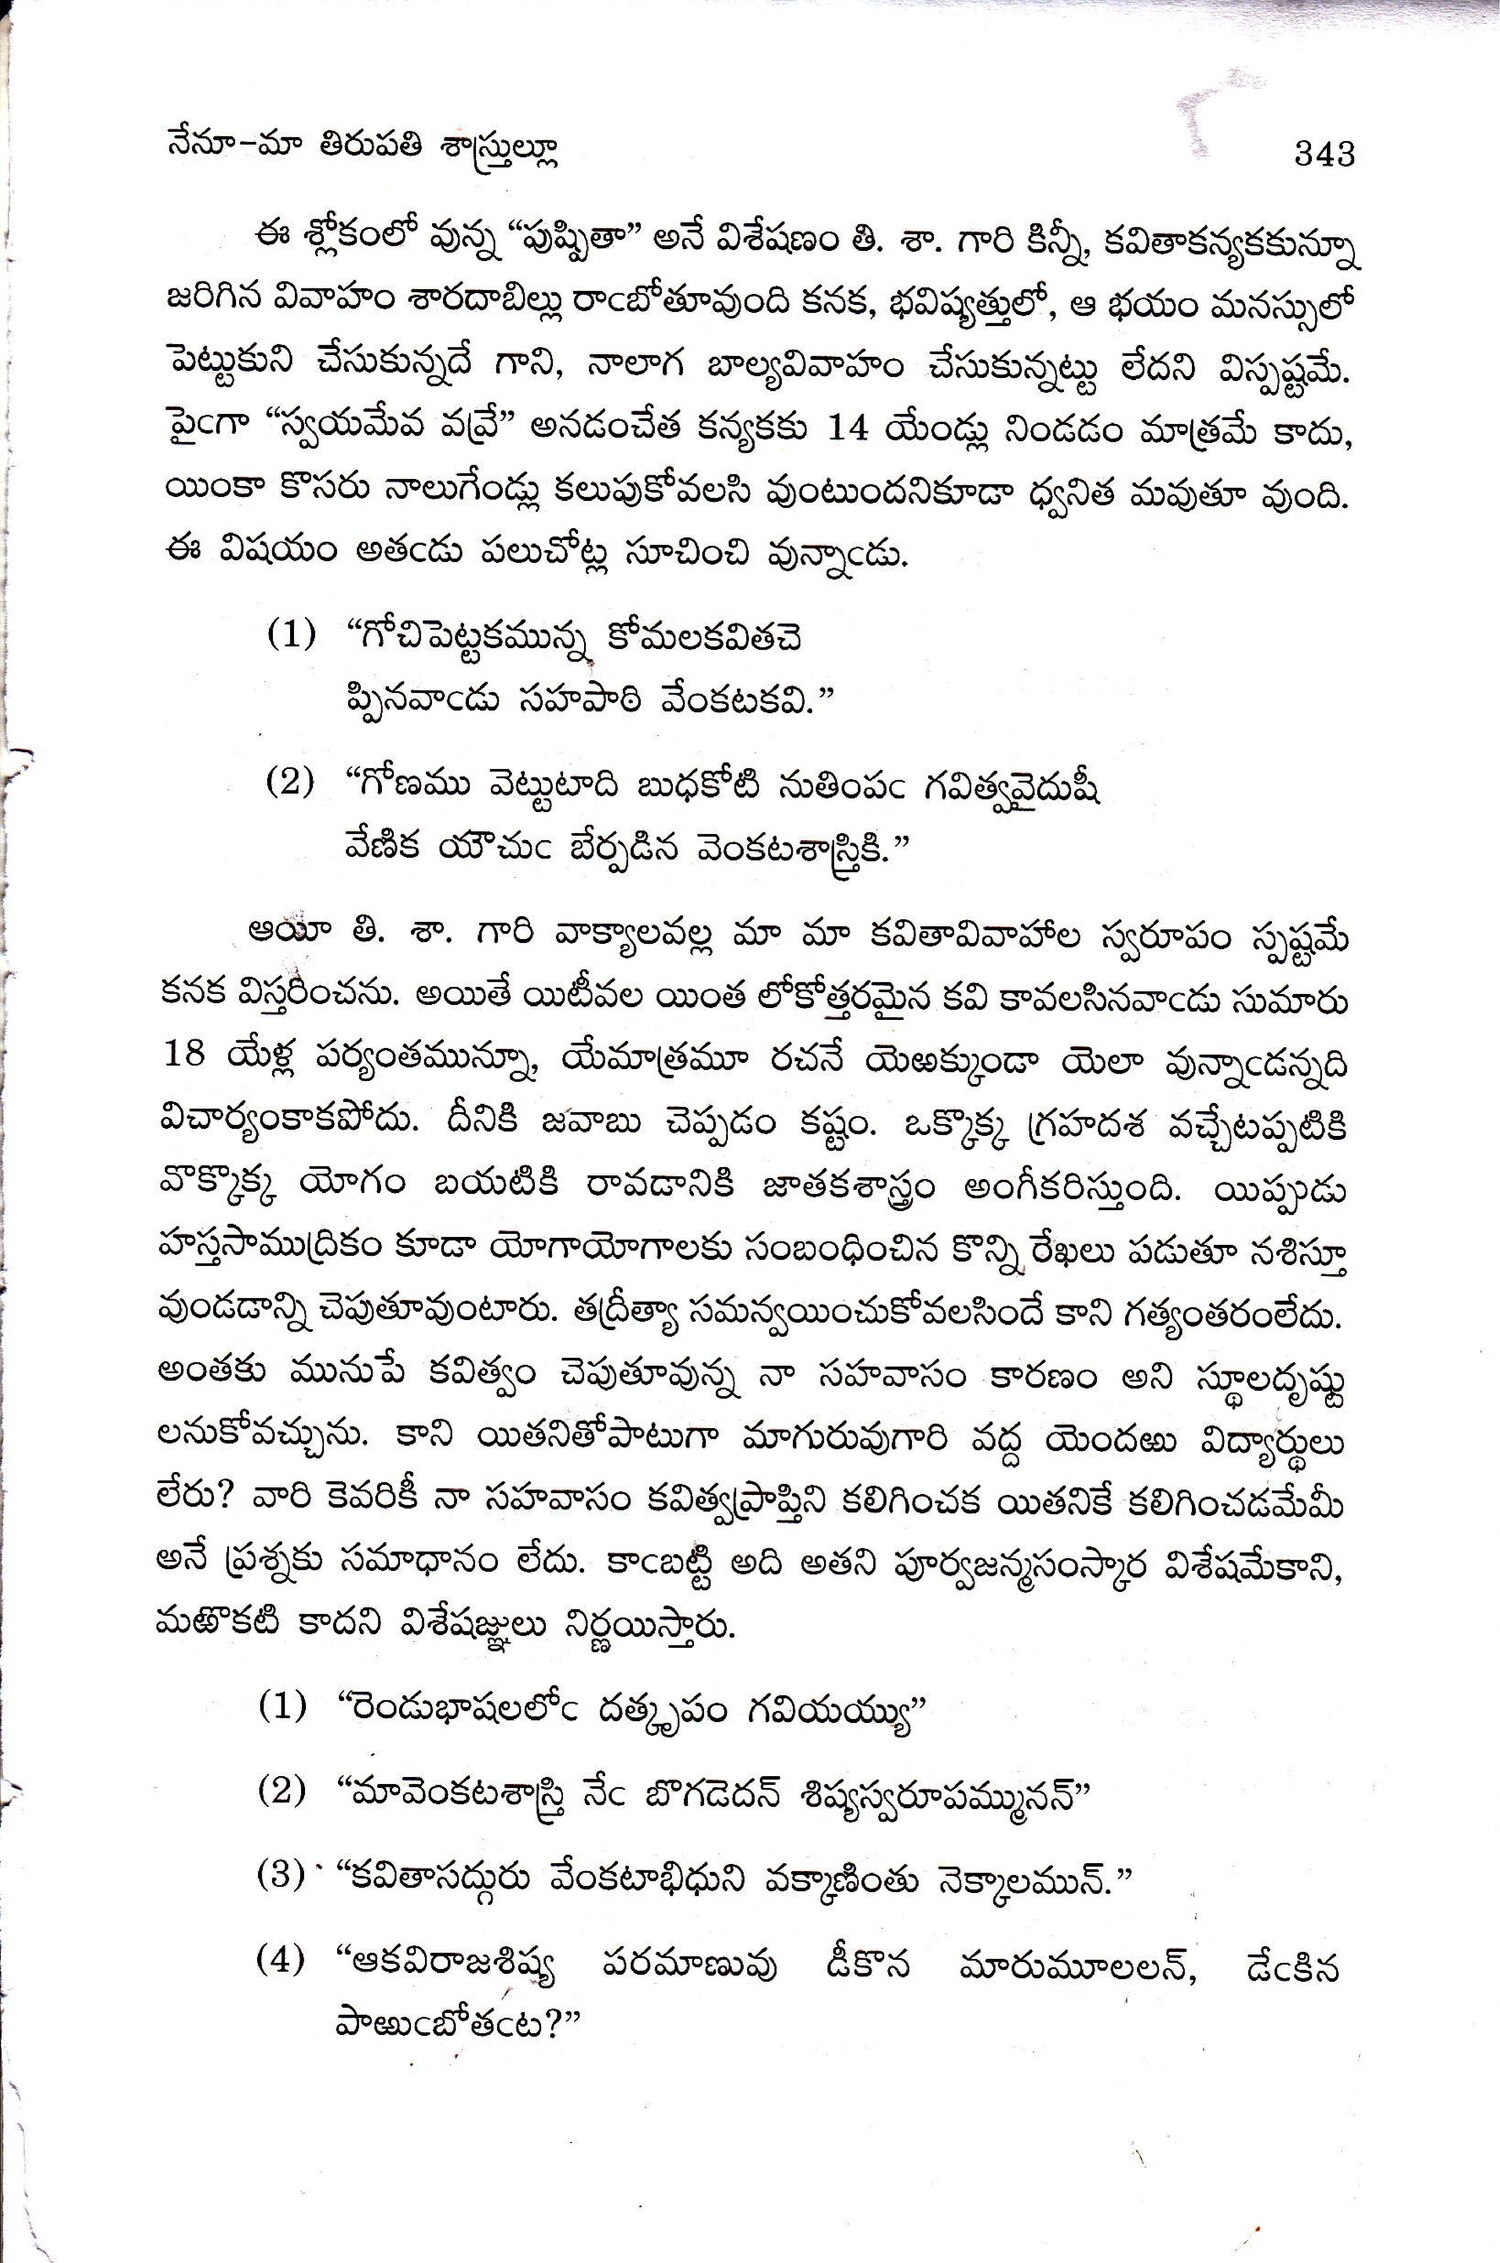ఈ శ్లోకంలో వున్న"పుష్పితా" అనే విశేషణం తి. శా. గారి కిన్నీ కవితాకన్యకకున్నూ జరిగిన వివాహం శారదాబిల్లు రాcబోతూవుంది కనక, భవిష్యత్తులో, ఆ భయం మనస్సులో పెట్టుకుని చేసుకున్నదే గాని, నాలాగ బాల్యవివాహం చేసుకున్నట్టు లేదని విస్పష్టమే. పైఁగా “స్వయమేవ వవ్రే" అనడంచేత కన్యకకు 14 యేండ్లు నిండడం మాత్రమే కాదు, యింకా కొసరు నాలుగేండ్లు కలుపుకోవలసి వుంటుందనికూడా ధ్వనిత మవుతూ వుంది. ఈ విషయం అతఁడు పలుచోట్ల సూచించి వున్నాఁడు. -

(1) “గోచిపెట్టకమున్న కోమలకవితచె 
 ప్పినవాఁడు సహపాఠి వేంకటకవి."

(2) “గోణము వెట్టుటాది బుధకోటి నుతింపఁ గవిత్వవైదుషీ
 వేణిక యౌచుఁ బేర్పడిన వెంకటశాస్త్రికి."
ఆయీ తి. శా, గారి వాక్యాలవల్ల మా మా కవితావివాహాల స్వరూపం స్పష్టమే కనక విస్తరించను. అయితే యిటీవల యింత లోకోత్తరమైన కవి కావలసినవాఁడు సుమారు 18 యేళ్ల పర్యంతమున్నూ, యేమాత్రమూ రచనే యెఱక్కుండా యెలా వున్నాఁడన్నది విచార్యంకాకపోదు. దీనికి జవాబు చెప్పడం కష్టం. ఒక్కొక్క గ్రహదశ వచ్చేటప్పటికి వొక్కొక్క యోగం బయటికి రావడానికి జాతకశాస్త్రం అంగీకరిస్తుంది. యిప్పుడు హస్తసాముద్రికం కూడా యోగాయోగాలకు సంబంధించిన కొన్ని రేఖలు పడుతూ నశిస్తూ వుండడాన్ని చెపుతూవుంటారు. తద్రీత్యా సమన్వయించుకోవలసిందే కాని గత్యంతరంలేదు. అంతకు మునుపే కవిత్వం చెపుతూవున్న నా సహవాసం కారణం అని సూలదృష్టు లనుకోవచ్చును. కాని యితనితోపాటుగా మాగురువుగారి వద్ద యెందఱు విద్యార్థులు లేరు? వారి కెవరికీ నా సహవాసం కవిత్వప్రాప్తిని కలిగించక యితనికే కలిగించడమేమీ అనే ప్రశ్నకు సమాధానం లేదు. కాఁబట్టి అది అతని పూర్వజన్మసంస్కార విశేషమేకాని, మఱొకటి కాదని విశేషజ్ఞులు నిర్ణయిస్తారు.

(1) "రెండుభాషలలోఁ దత్కృపం గవియయ్యు 

(2) "మావెంకటశాస్త్రి నేఁ బొగడెదన్ శిష్యస్వరూపమునన్ 

(3) "కవితాసద్గురు వేంకటాభిధుని వక్కాణింతు నెక్కాలమున్."

(4) “ఆకవిరాజశిష్య పరమాణువు డీకొన మారుమూలలన్, డేఁకిన పాఱుఁబోతఁట?”